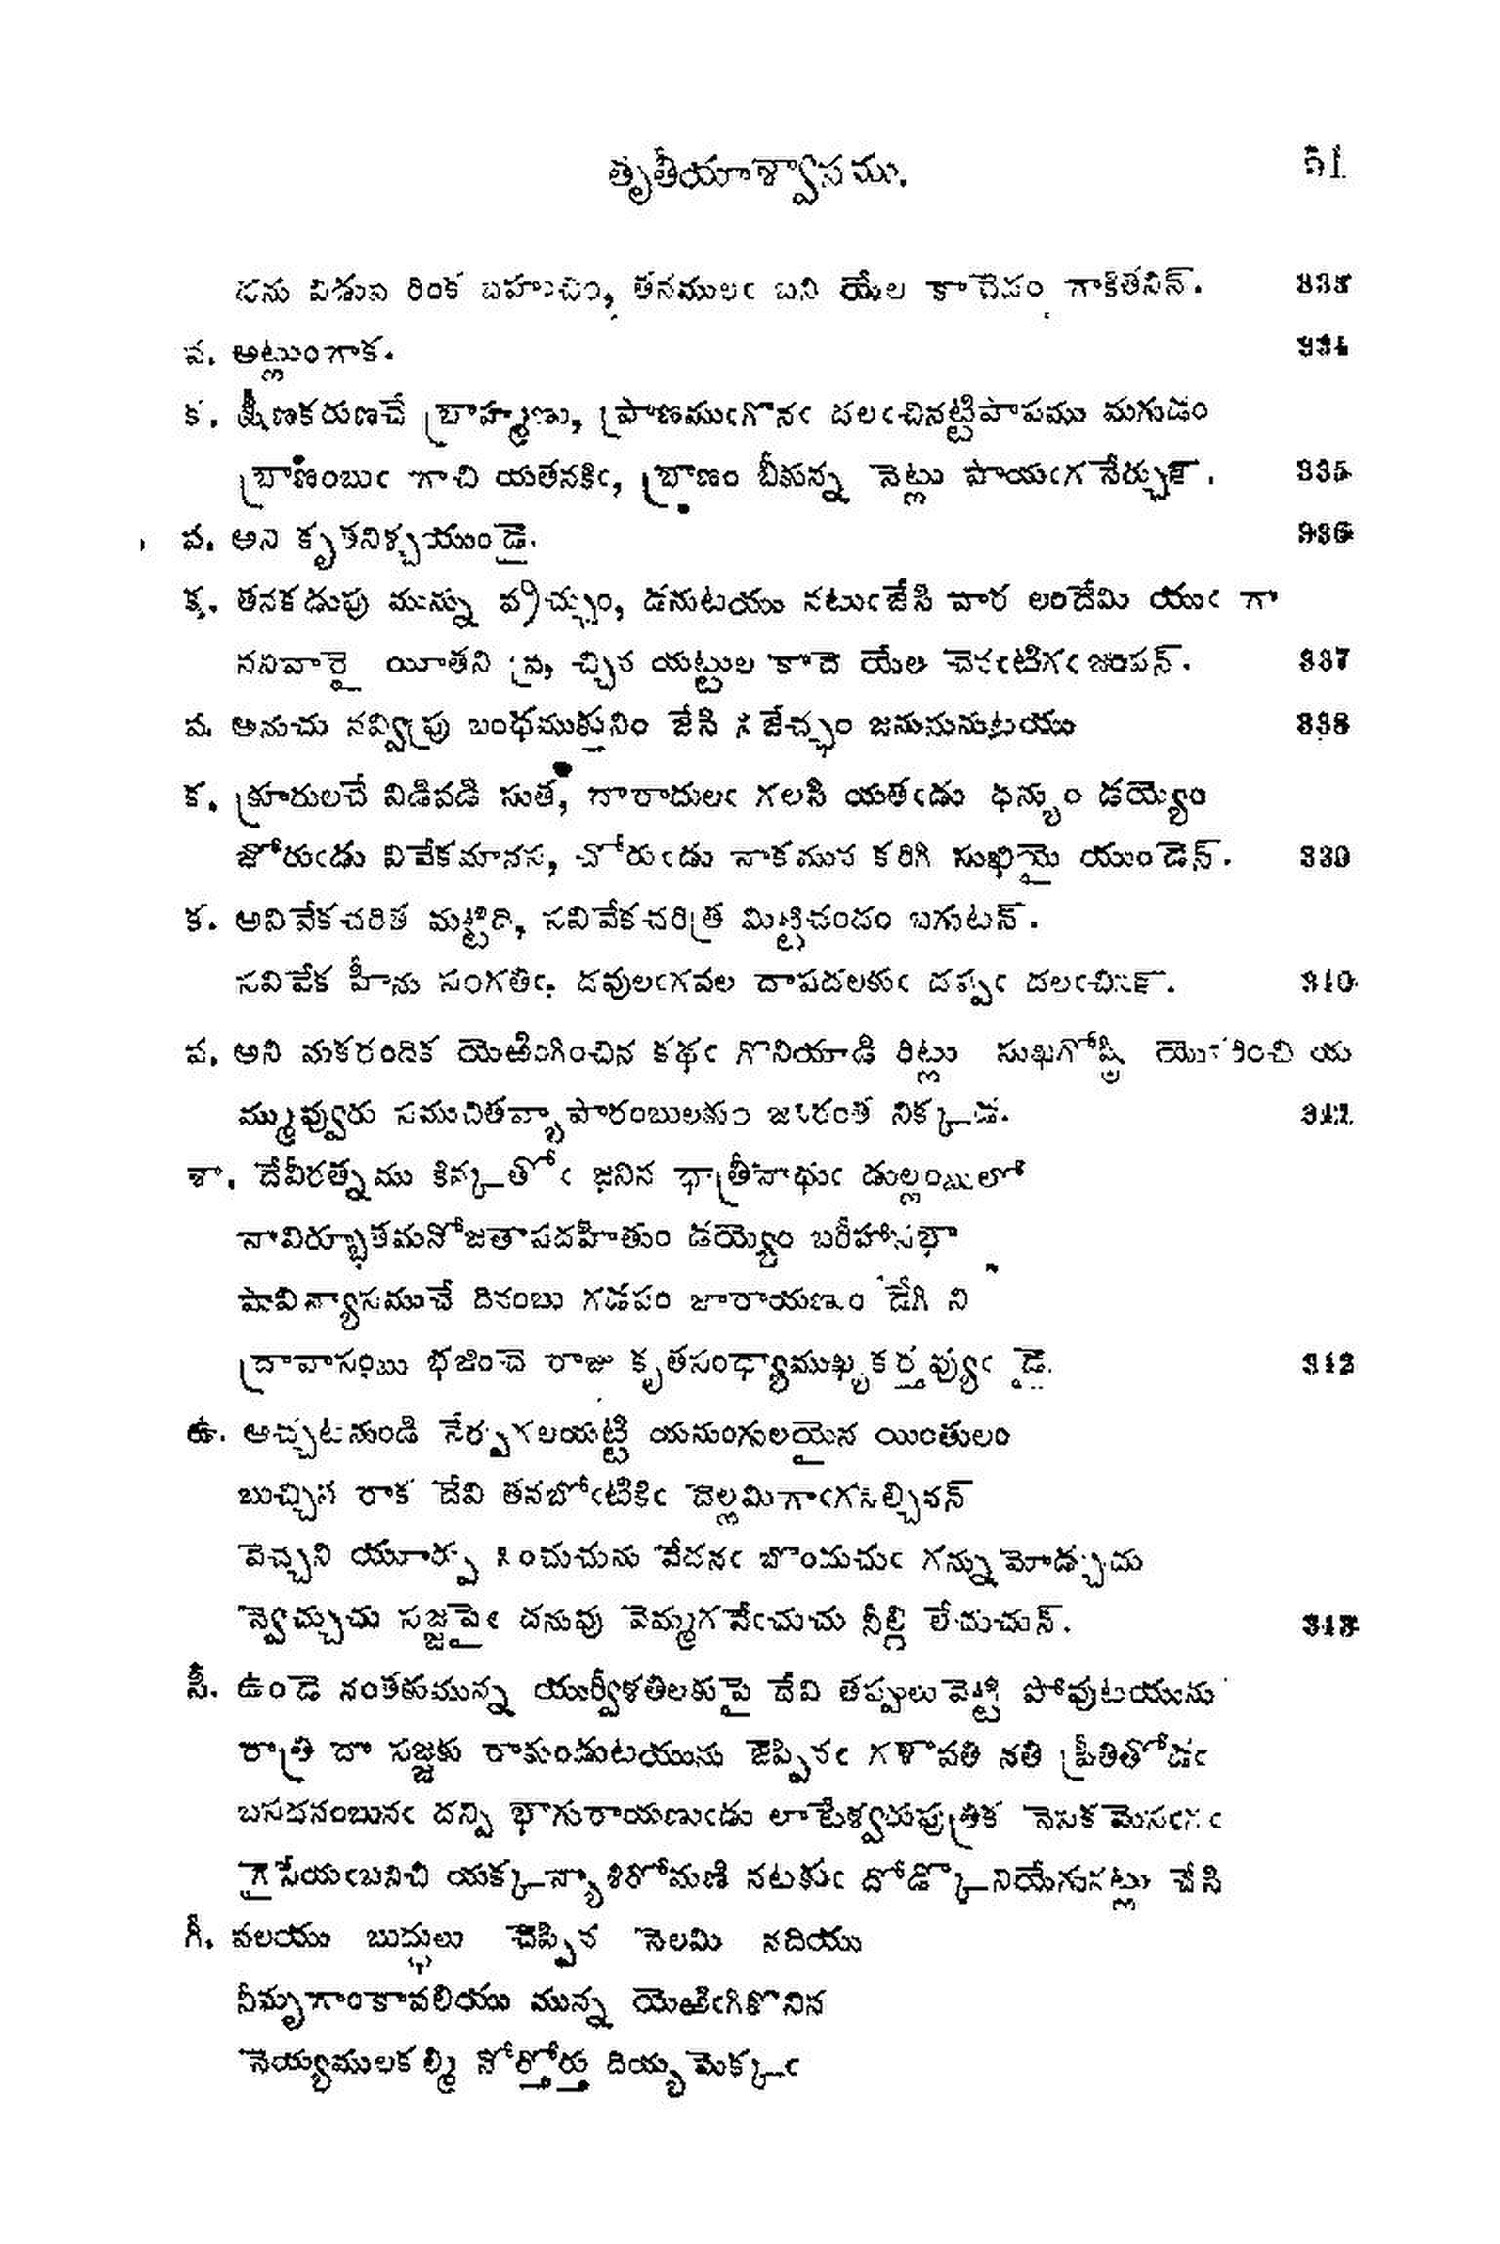దను విడువ రింక బహుచిం, తనములఁ బని యేల కాచెదం గా కితనిన్.
వ. అట్లుంగాక.
క. క్షీణకరుణచే బ్రాహ్మణు, ప్రాణము గొనఁదలఁచినట్టిపాపము మగుడం
 బ్రాణంబుఁ గాచి యతనకిఁ, బ్రాణం బీకున్న నెట్లు పాయఁగ నేర్చున్.
వ. అని కృతనిశ్చయుండై.
క. తనకడుపు మున్ను వ్రచ్చుం, డనుటయు నటుఁజేసి వార లందేమి యుఁ గా
 ననివారై యీతని వ్ర, చ్చిన యట్టుల కాదె యేల చెనఁటిగఁ జంపన్.
వ. అనుచు నవ్విప్రు బంధముక్తునిం జేసి నిజేచ్ఛం జను మనుటయు.
క. క్రూరులచే విడివడి సుత, దారాదులఁ గలసి యతఁడు ధన్యుం డయ్యెం
 జోరుఁడు వివేకమానస, చోరుఁడు నాకమున కరిగి సుఖియై యుండెన్.
క. అవివేకచరిత మట్టిది, సవివేకచరిత్ర మిట్టిచందం బగుటన్
 సవివేక హీను సంగతిఁ, దవులఁగవల దాపదలకుఁ దప్పఁ దలఁచినన్.
వ. అని మకరందిక యెఱింగించిన కథఁ గొనియాడి రిట్లు సుఖగోష్ఠి యొనరించి య
 మ్మువ్వురు సముచితవ్యాపారంబులకుం జనిరంత నిక్కడ.
శా. దేవీరత్నము కిన్కతో, జనిన ధాత్రీనాథుఁ డుల్లంబులో
 నావిర్భూతమనోజతాపదహితుం డయ్యెం బరీహాసభా
 షావిన్యాసముచే దినంబు గడపం జారాయణుం డేగి ని
 ద్రావాసంబు భజించె రాజు కృతసంధ్యాముఖ్యకర్తవ్యుఁ డై.
ఉ. అచ్చటనుండి నేర్పగలయట్టి యనుంగులయైన యింతులం
 బుచ్చిన రాక దేవి తనబోఁటికిఁ దెల్లమి గాఁగ నిల్చినన్
 వెచ్చని యూర్పు నించుచును వేదనఁ బొంచుచుఁ గన్ను మోడ్చుచు
 న్వెచ్చుచు సజ్జపైఁ దనువు వెమ్మగనేఁచుచు నీల్గి లేచుచున్.
సీ. ఉండె నంతకుమున్న యుర్వీశతిలకుపై దేవి తప్పులువెట్టి పోవుటయును
 రాత్రి దా సజ్జకు రాకుండుటయుసు జెప్పినఁ గళావతి నతిప్రీతితోడఁ
 బసదనంబునఁ దన్పి భాగురాయణుఁడు లాటేశ్వరుపుత్రిక నెసకమెసఁగఁ
 గైసేయఁబనిచి యక్కన్యాశిరోమణి నటకుఁ దోడ్కొనియేగునట్లు చేసి
గీ. వలయు బుద్ధులు చెప్పిన నెలమి నదియు
 నీమృగాంకావలియు మున్న యెఱఁగికొనిన
 నెయ్యములకల్మి నోర్తోర్తు దియ్య మెక్కఁ